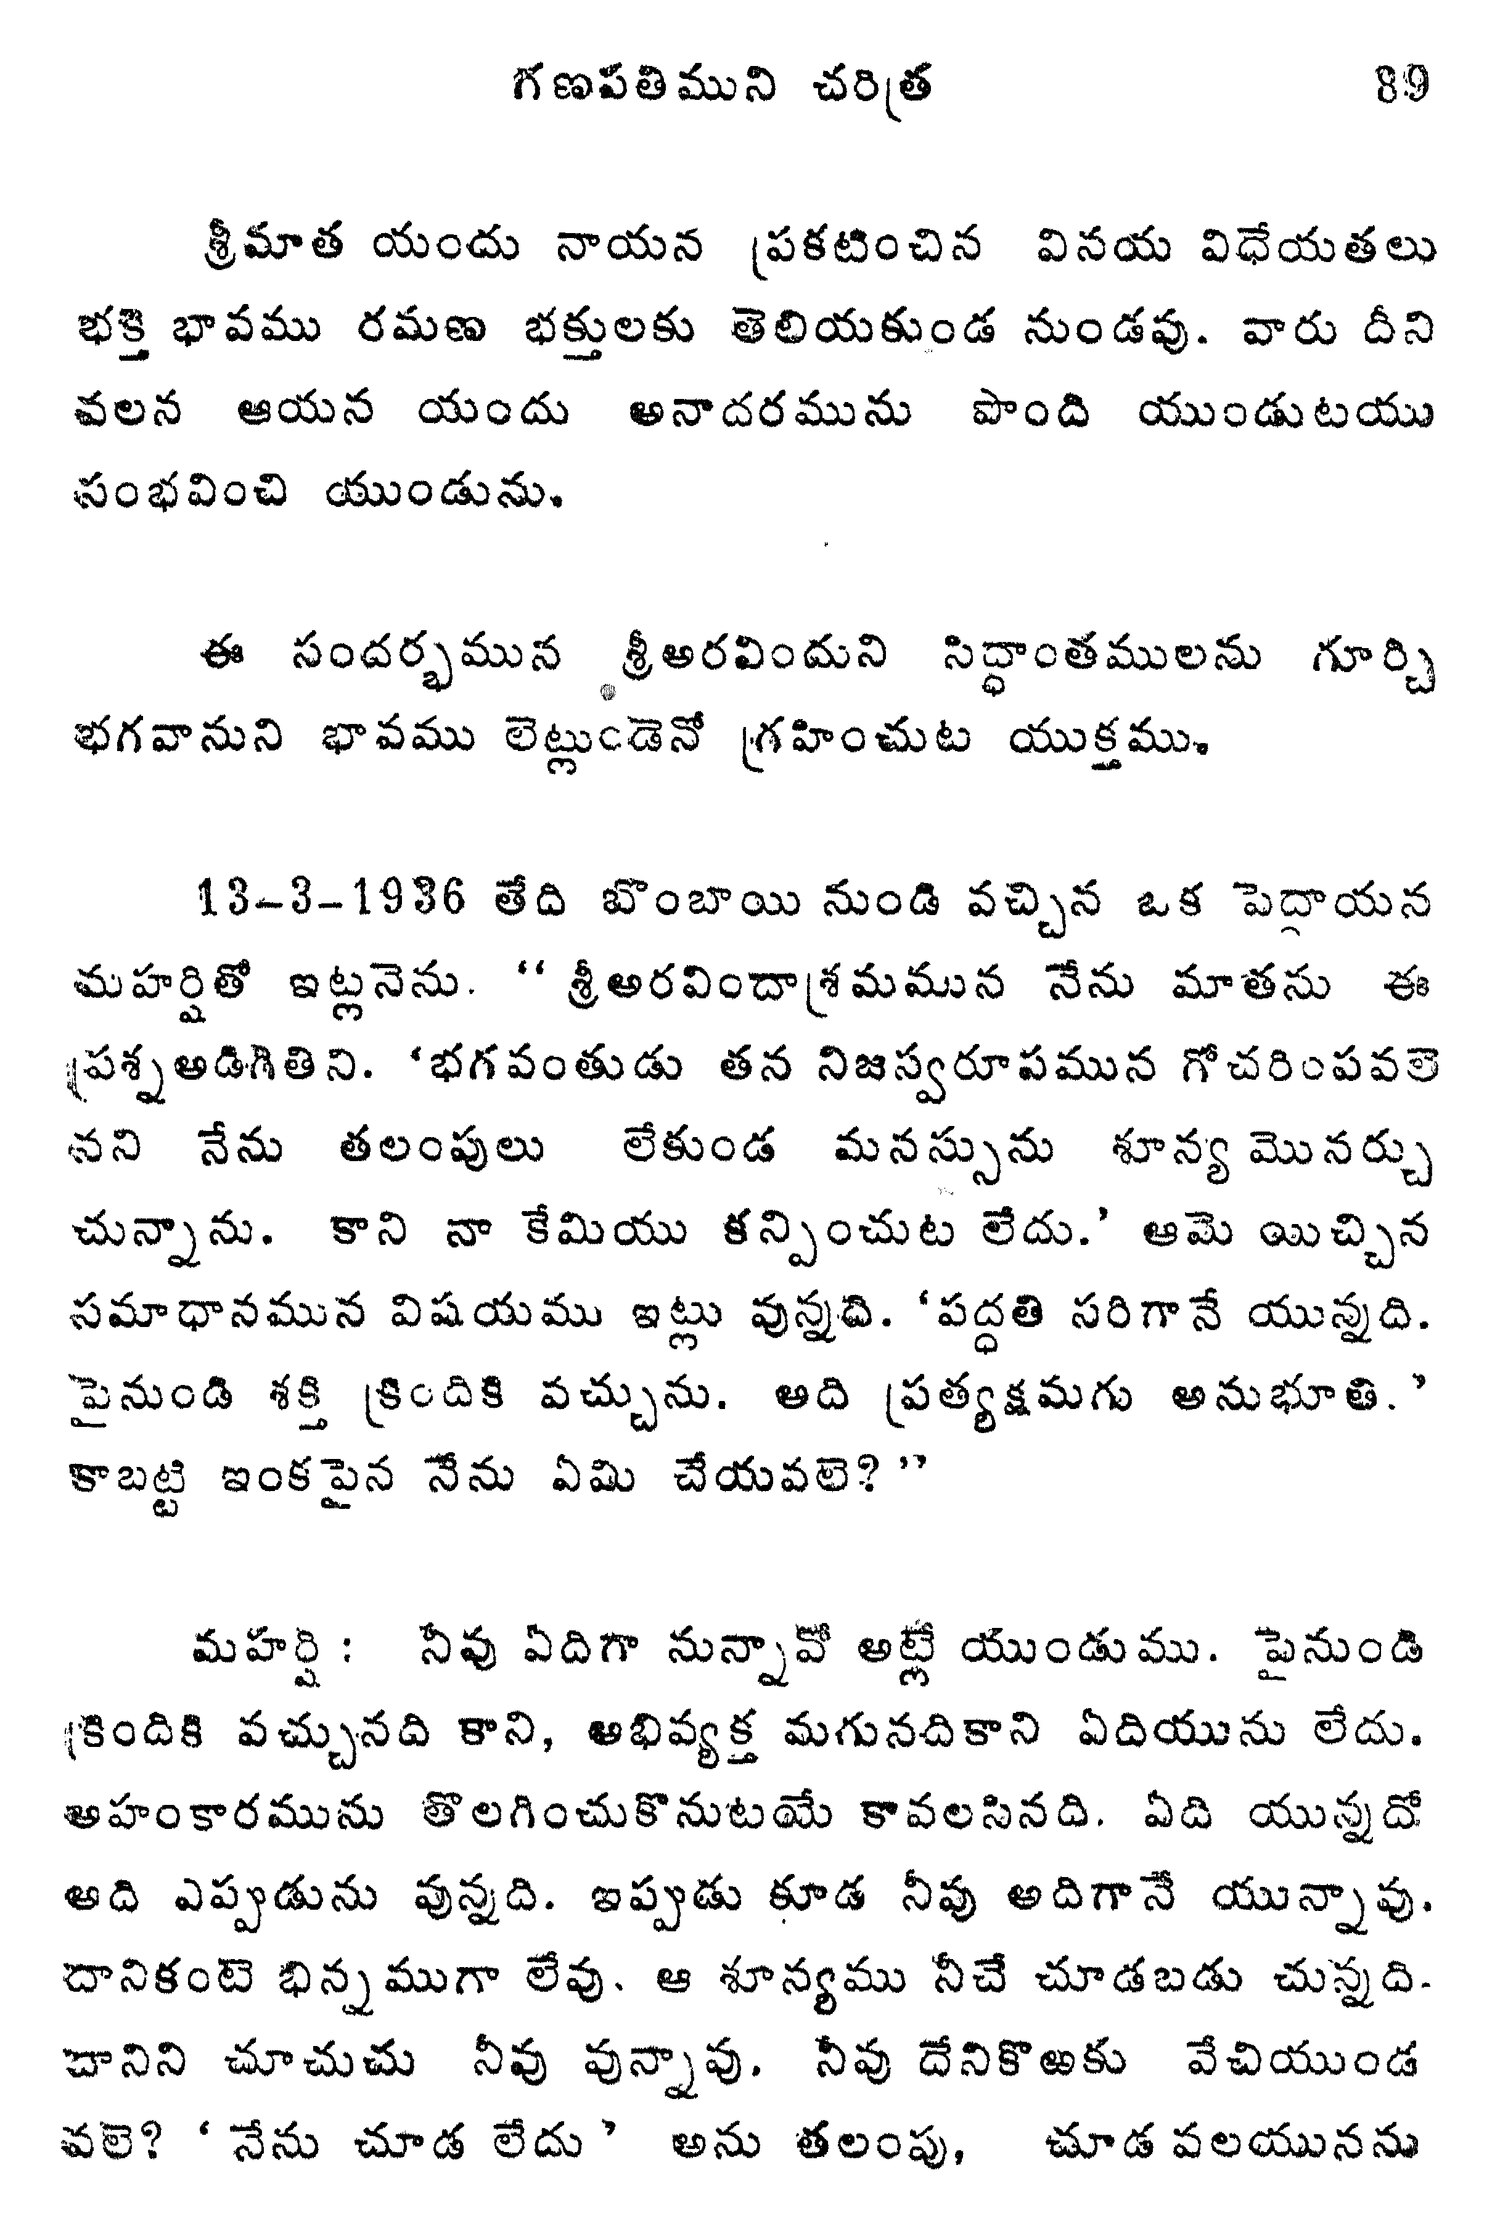శ్రీమాత యందు నాయన ప్రకటించిన వినయ విధేయతలు భక్తి భావము రమణ భక్తులకు తెలియకుండ నుండవు. వారు దీనివలన ఆయన యందు అనాదరమును పొంది యుండుటయు సంభవించి యుండును.

ఈ సందర్భమున శ్రీఅరవిందుని సిద్దాంతములను గూర్చి భగవానుని భావము లెట్లుండెనో గ్రహించుట యుక్తము.

13-3-1936 తేది బొంబాయి నుండి వచ్చిన ఒక పెద్దాయన మహర్షితో ఇట్లనెను. "శ్రీఅరవిందాశ్రమమున నేను మాతను ఈ ప్రశ్నఅడిగితిని. భగవంతుడు తన నిజస్వరూపమున గోచరింపవలె నని నేను తలంపులు లేకుండ మనస్సును శూన్యమొనర్చు చున్నాను. కాని నా కేమియు కన్పించుట లేదు.' ఆమె యిచ్చిన సమాధానమున విషయము ఇట్లు వున్నది. 'పద్దతి సరిగానే యున్నది. పైనుండి శక్తి క్రిందికి వచ్చును. అది ప్రత్యక్షమగు అనుభూతి.' కాబట్టి ఇంకపైన నేను ఏమి చేయవలె?"

మహర్షి: నీవు ఏదిగా నున్నావో అట్లే యుండుము. పైనుండి క్రిందికి వచ్చునది కాని, అభివ్యక్త మగునదికాని ఏదియును లేదు. అహంకారమును తొలగించుకొనుటయే కావలసినది. ఏది యున్నదో అది ఎప్పుడును వున్నది. ఇప్పుడు కూడ నీవు అదిగానే యున్నావు. దానికంటె భిన్నముగా లేవు. ఆ శూన్యము నీచే చూడబడు చున్నది. దానిని చూచుచు నీవు వున్నావు. నీవు దేనికొఱకు వేచియుండ వలె? 'నేను చూడ లేదు' అను తలంపు, చూడ వలయునను